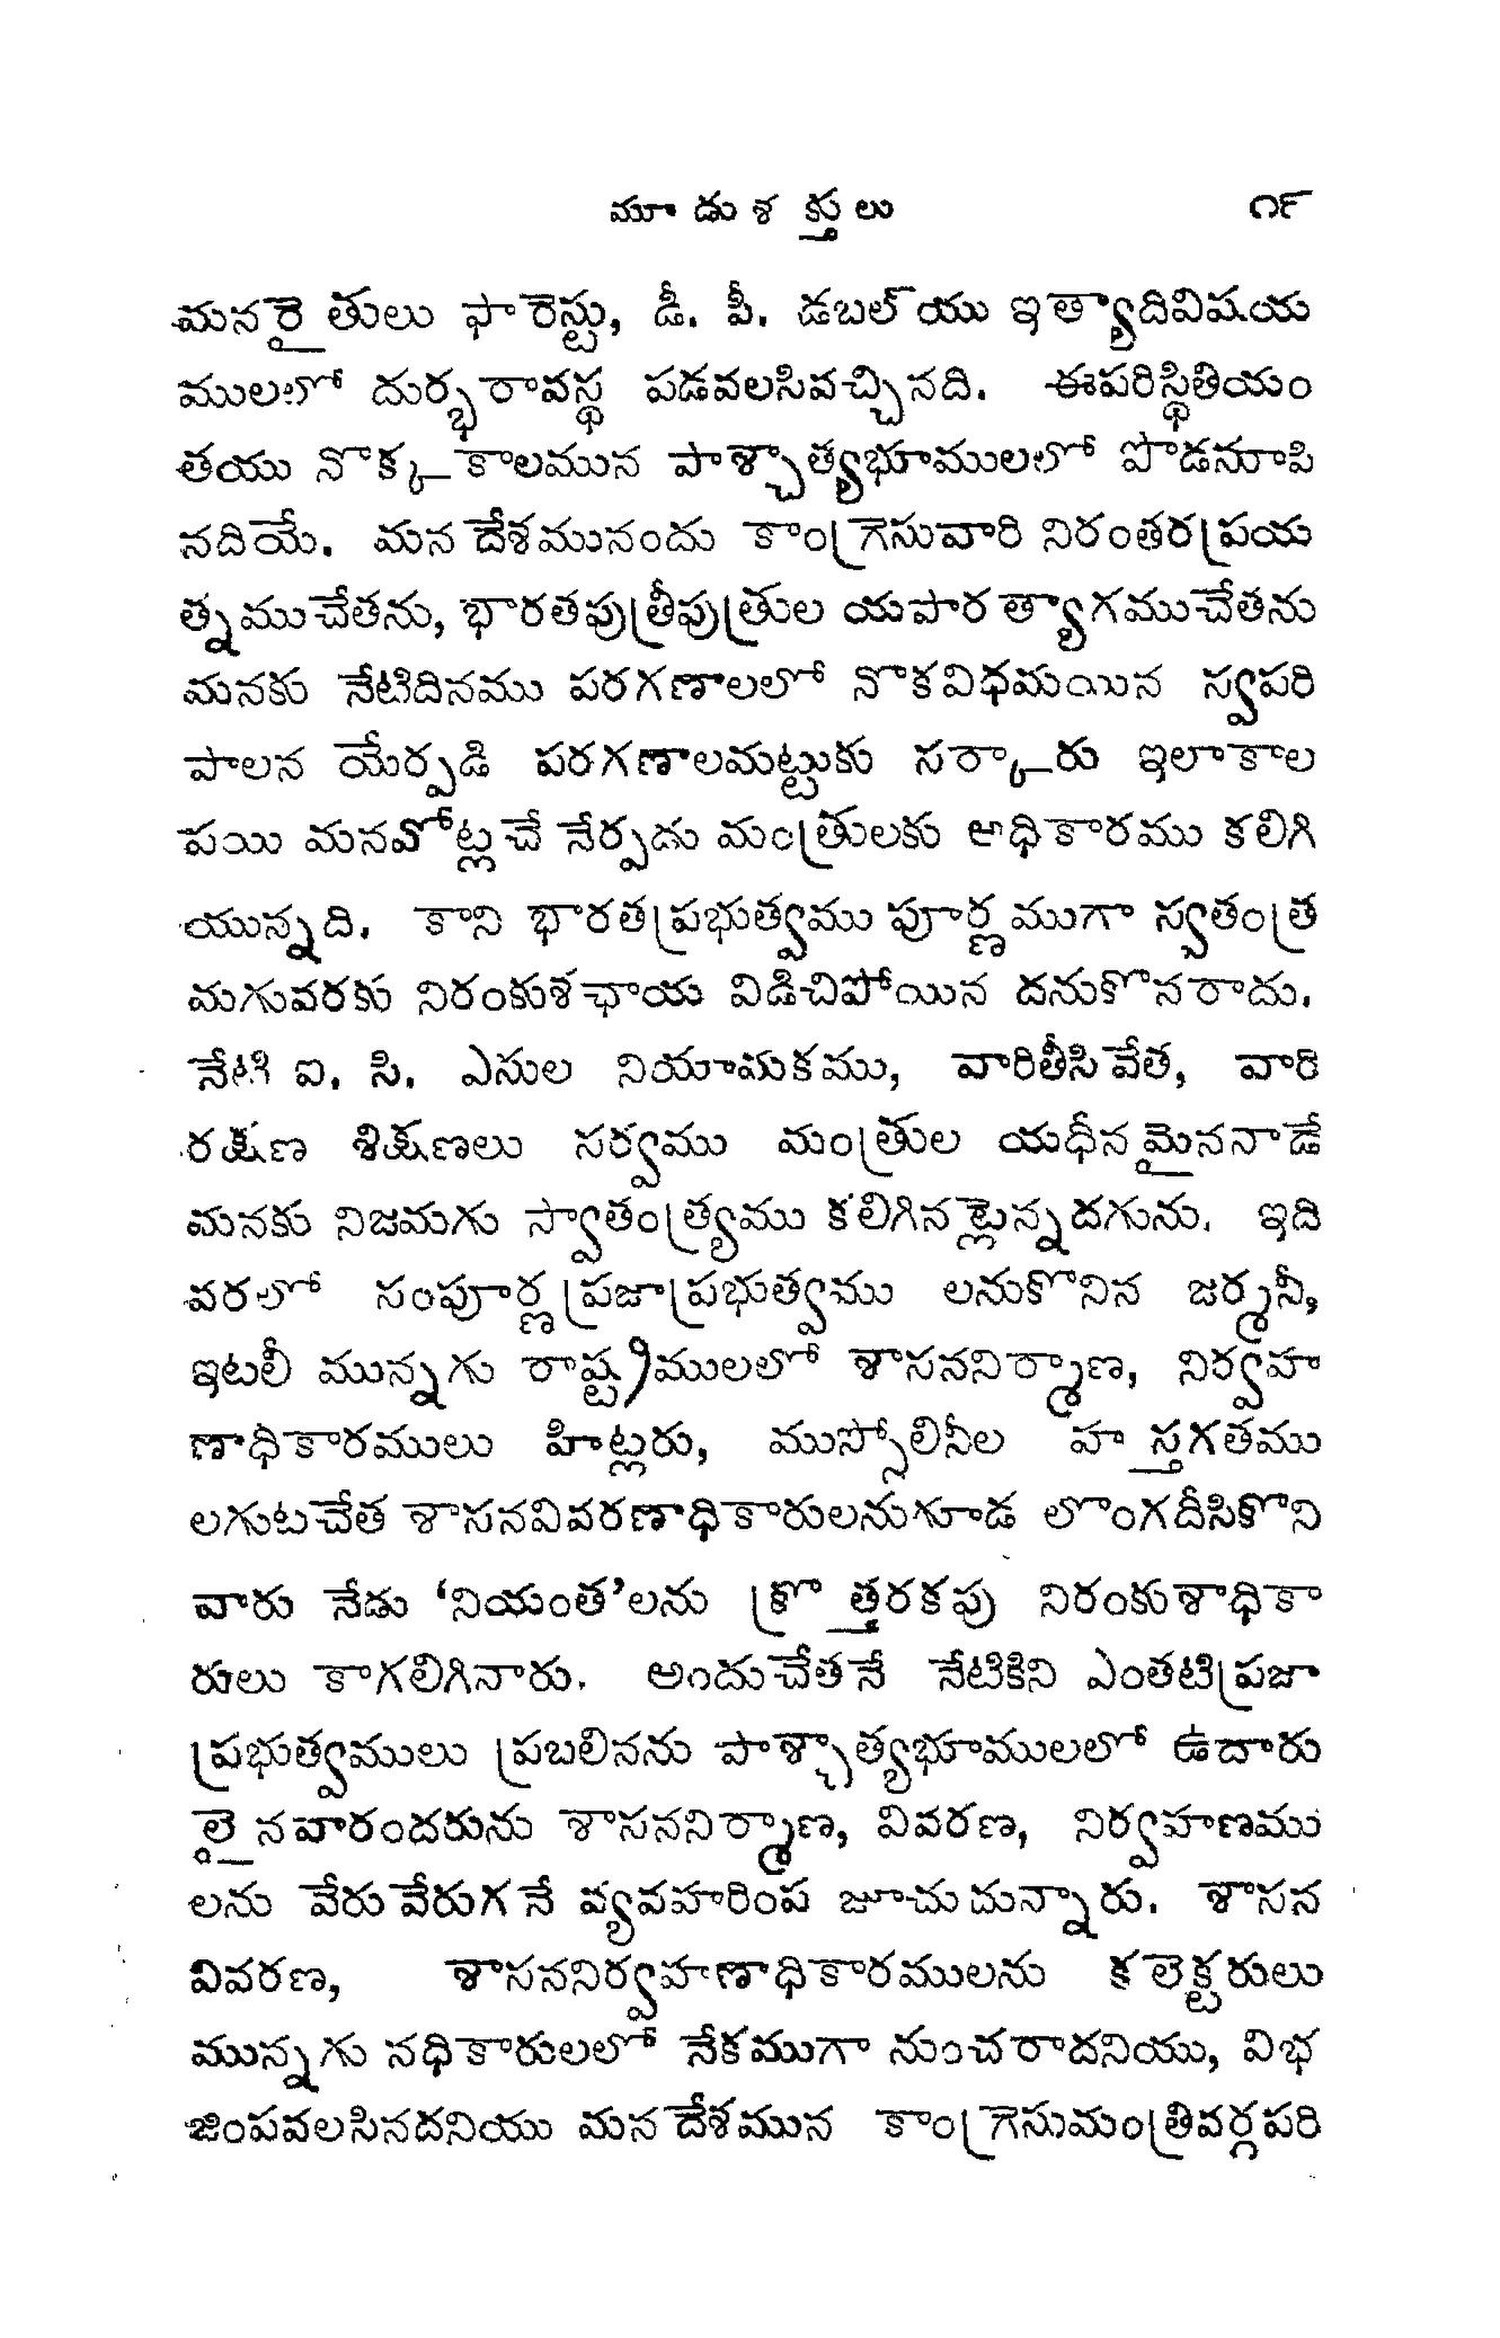మనరైతులు ఫారెస్టు, డీ. పీ. డబల్ యు ఇత్యాదివిషయములలో దుర్భరావస్థ పడవలసివచ్చినది. ఈపరిస్థితియంతయు నొక్క కాలమున పాశ్చాత్యభూములలో పొడసూపినదియే. మనదేశమునందు కాంగ్రెసువారి నిరంతరప్రయత్నముచేతను, భారతపుత్రీపుత్రుల యపారత్యాగముచేతను మనకు నేటిదినము పరగణాలలో నొకవిధమయిన స్వపరిపాలన యేర్పడి పరగణాలమట్టుకు సర్కారు ఇలాకాలపయి మనవోట్లచే నేర్పడు మంత్రులకు అధికారము కలిగియున్నది. కాని భారతప్రభుత్వము పూర్ణముగా స్వతంత్రమగువరకు నిరంకుశఛాయ విడిచిపోయిన దనుకొనరాదు. నేటి ఐ. సి, ఎసుల నియామకము, వారితీసివేత, వారి రక్షణ శిక్షణలు సర్వము మంత్రుల యధీనమైననాడే మనకు నిజమగు స్వాతంత్ర్యము కలిగినట్లెన్నదగును. ఇదివరలో సంపూర్ణప్రజాప్రభుత్వము లనుకొనిన జర్మనీ,
ఇటలీ మున్నగు రాష్ట్రములలో శాసననిర్మాణ, నిర్వహణాధికారములు హిట్లరు, ముస్సోలినీల హస్తగతములగుటచేత శాసనవివరణాధికారులనుగూడ లొంగదీసికొని వారు నేడు 'నియంత'లను క్రొత్తరకపు నిరంకుశాధికారులు కాగలిగినారు. అందుచేతనే నేటికిని ఎంతటిప్రజాప్రభుత్వములు ప్రబలినను పాశ్చాత్యభూములలో ఉదారులైనవారందరును శాసననిర్మాణ, వివరణ, నిర్వహణములను వేరువేరుగనే వ్యవహరింప జూచుచున్నారు. శాసనవివరణ, శాసననిర్వహణాధి కారములను కలెక్టరులు మున్నగు నధికారులలో నేకముగా నుంచరాదనియు, విభజింపవలసిన దనియు మనదేశమున కాంగ్రెసుమంత్రివర్గపరి